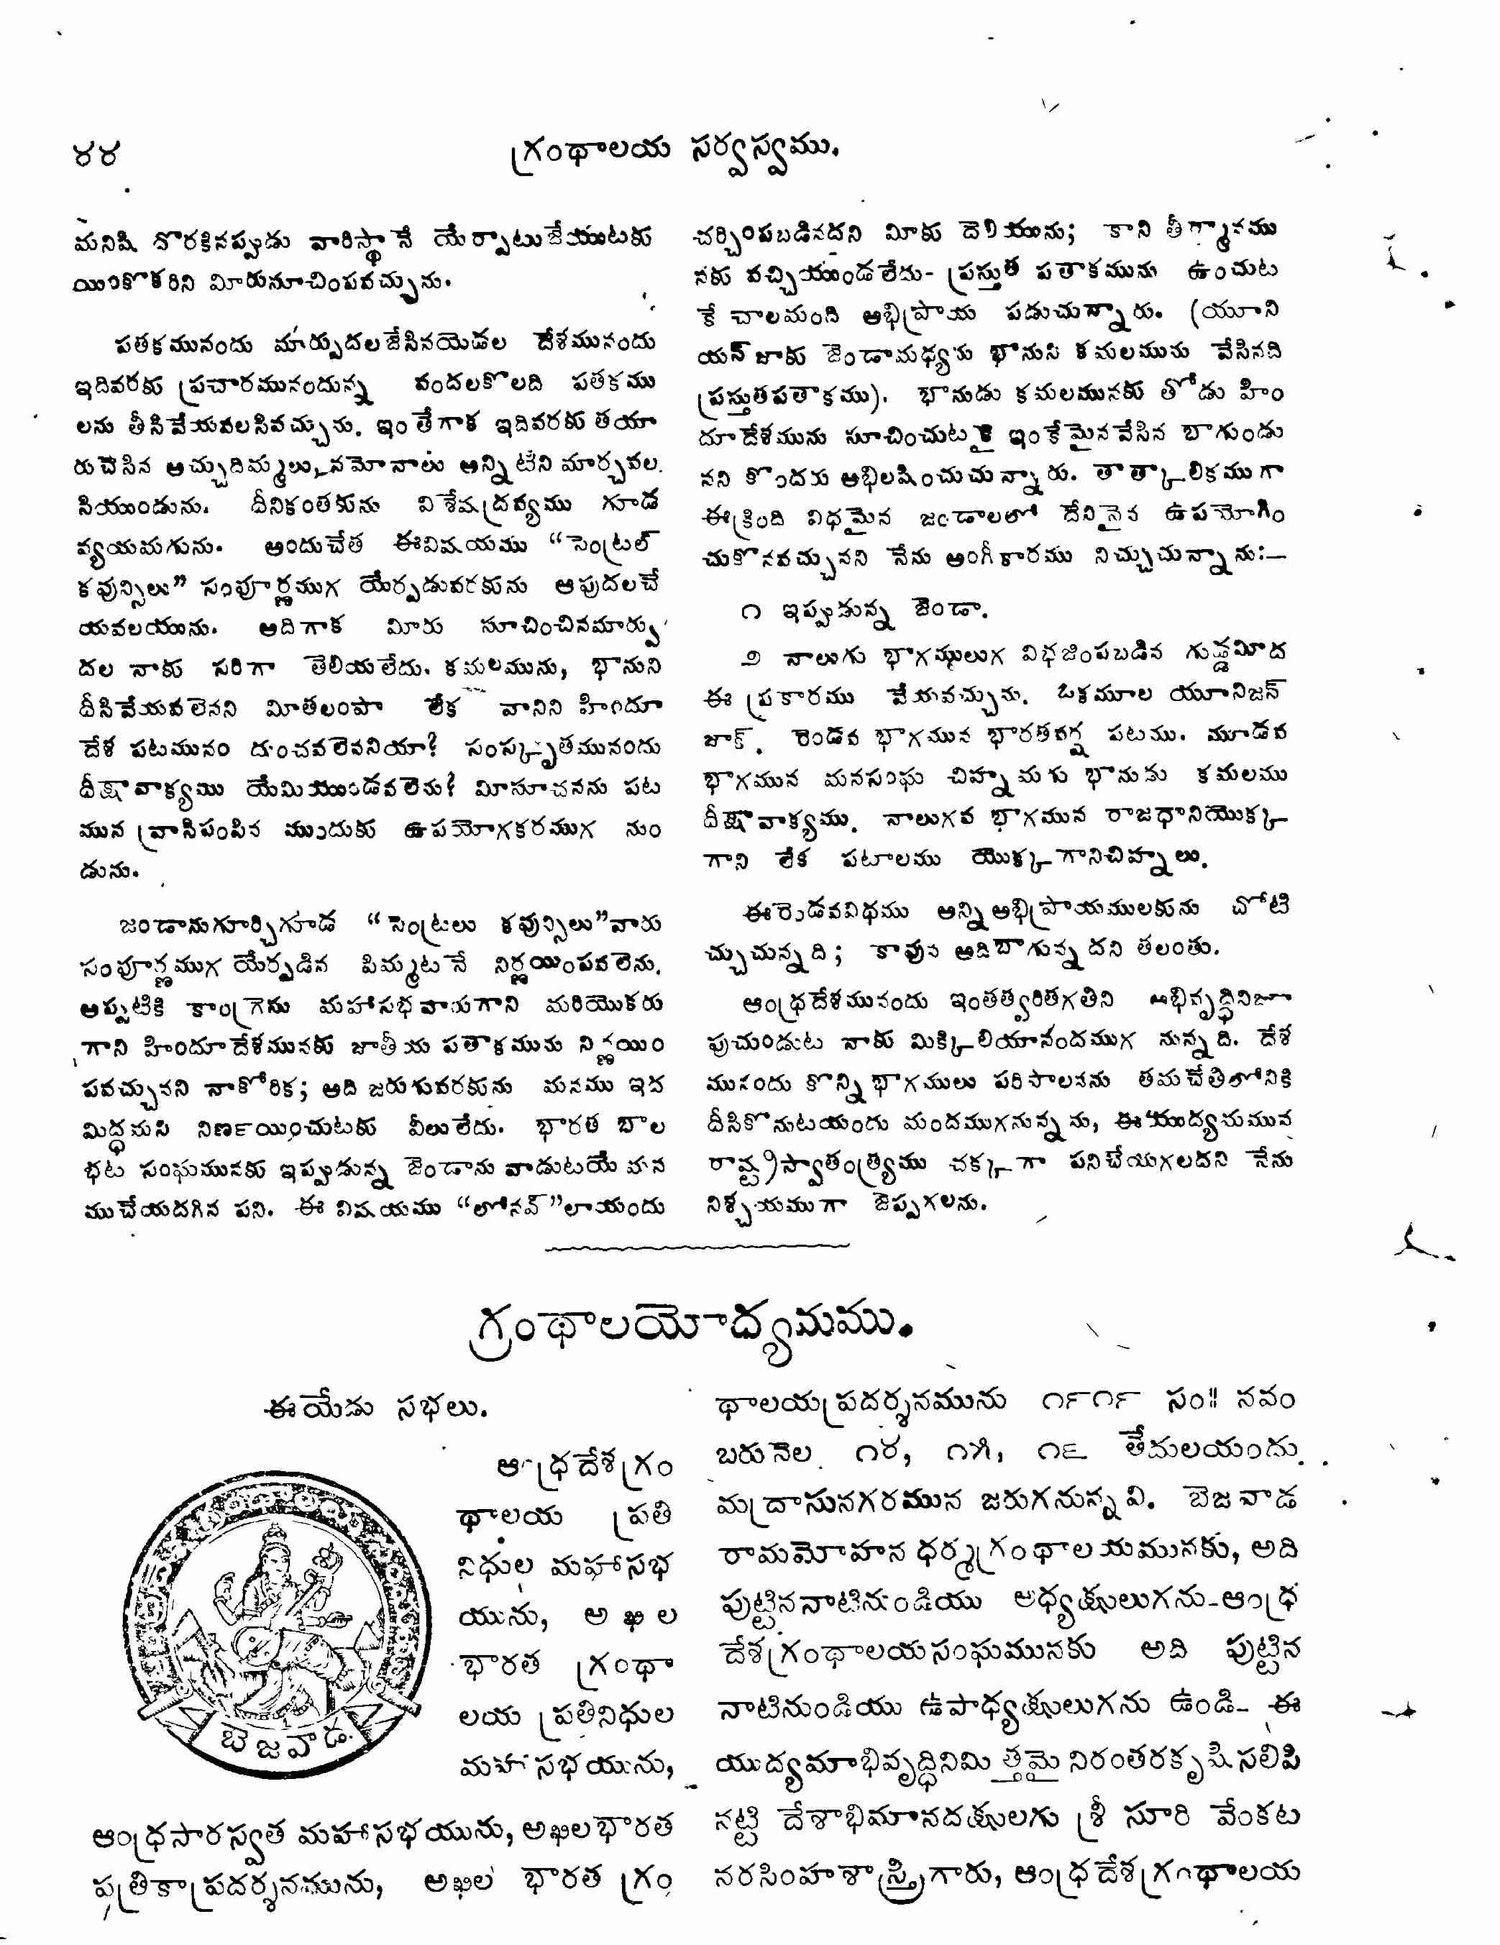మనిషి దొరకినప్పుడు వారిస్థానే యేర్పాటు జేయుటకు యింకొకరిని మీరునూచింపవచ్చును.

పతకమునందు మార్పుదల జేసినయెడల దేశమునందు ఇదివరకు ప్రచారమునందున్న వందలకొలది పతకములను తీసివేయవలసి వచ్చును. ఇంతేగాక ఇదివరకు తయారుచేసిన అచ్చుదిమ్మలు, నమోనాలు అన్నిటిని మార్చవలనియుండును. దీనికంతకును విశేష ద్రవ్యము గూడ వ్యయమగును. అందుచేత ఈవిషయము " సెంట్రల్ కవున్సిలు" సంపూర్ణముగ యేర్పడు వరకును ఆపుదలచేయ వలయును. ఆది గాక మీరు సూచించిన మార్పుదల నాకు సరిగా తెలియలేదు. కమలమును, భానుని దీనివేయవలెనని తలంపా లేక వానిని హిందూదేశ పటమునం దుంచవలెవనియా? సంస్కృతమునందు దీక్షావాక్యము యేమియుండవలెను? మీ సూచనను పటమున వ్రాసిపంపిన ముందుకు ఉపయోగకరముగడును.

జండాను గూర్చి గూడ “సెంట్రలు కవున్సిలు" వారు సంపూర్ణముగ యేర్పడిన పిమ్మటనే నిర్ణయింపవలెను. అప్పటికి కాంగ్రెసు మహాసభవారుగాని మరియొకరు గాని హిందూదేశమునకు జాతీయ పతాకమును నిర్ణయింపవచ్చునని నాకోరిక; అది జరుగువరకును మనము ఇదమిద్ధమని నిర్ణయించుటకు వీలులేదు. భారత బాలభట సంఘమునకు ఇప్పుడున్న జెండాను వాడుటయే మనము చేయదగిన పని. ఈ విషయము “లోనవ్" లా యందు చర్చింపబడినదని మీకు దెలియును; కాని తీర్మానమునకు వచ్చియుండలేదు - ప్రస్తుత పతాకమును ఉంచుటకే చాలమంది అభిప్రాయ పడుచున్నారు. (యూనియన్జకు జెండా మధ్యకు భానుని కమలమును వేసినది
ప్రస్తుతపతాకము). భానుడు కమలమునకు తోడు హిందూదేశమును సూచించుటకై ఇంకేమైన వేసిన బాగుండునని కొందరు అభిలషించుచున్నారు. తాత్కాలికముగా ఈక్రింది విధమైన జండాలలో దేనినైన ఉపయోగించుకోనవచ్చునని నేను అంగీకారము నిచ్చుచున్నాను:౼

౧ ఇప్పుడున్న జెండా.

౨ నాలుగు భాగములుగ విభజింపబడిన గుడ్డమీద ఈ ప్రకారము వేయవచ్చును. ఒక మూల యూనిజన్ జాక్. రెండవ భాగమున 
భారతవర్ష పటము. మూడవ భాగమున మనసంఘ చిహ్నమగు భానుడు కమలము, దీక్షా వాక్యము. నాలుగవ భాగమున రాజధానియొక్క
గాని లేక పటాలము యొక్క గాని చిహ్నలు.

ఈరెండవ విధము అన్ని అభిప్రాయములకును చోటిచ్చుచున్నది; కావున అది బాగున్నదని తలంతు.

ఆంధ్రదేశమునందు ఇంతత్వరితగతిని అభివృద్ధినిజూపుచుండుట నాకు మిక్కిలియానందముగ నున్నది. దేశమునందు కొన్ని భాగములు పరిపాలనను తమచేతిలోనికి దీసికొనుటయందు మందముగనున్నను, ఈ యుద్యమమున రాష్ట్ర స్వాతంత్య్రము చక్కగా పని చేయగలదని నేను నిశ్చయముగా జెప్పగలను.

ఆంధ్రదేశ గ్రంథాలయ ప్రతినిధుల మహాసభయును, అఖిలభారత గ్రంథాలయ ప్రతినిధిల మహాసభయును, ఆంధ్రసారస్వత మహాసభయును, అఖిల భారత గ్రంథాలయ ప్రదర్శనమును, ౧౯౧౯ సం॥ నవంబరు నెల ౧౪,౧౫, ౧౬ తేదులయందు మద్రాసు నగరమున జరుగనున్నవి. బెజవాడ రామమోహన ధర్మగ్రంథాలయమునకు, అది పుట్టిన నాటినుండియు ఉపాధ్యక్షులుగను ఉండి ౼ యుద్యమాభివృద్ధినిమిత్తమై నిరంతరకృషి సలిపినట్టి దేశాభిమానదక్షులగు శ్రీ సూరి వేంకట నరసింహశాస్త్రి గారు, ఆంధ్రదేశ గ్రంథాలయ